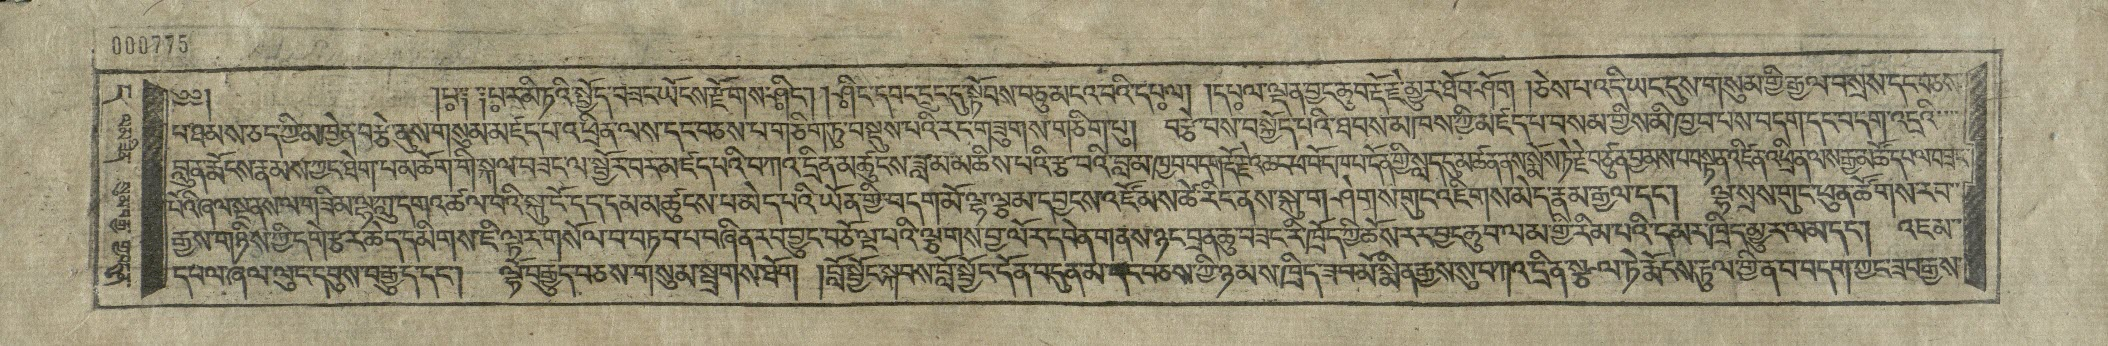༄༅། །པ༑ ༑པར་མི་ཏའི་སྤྱོད་བཟང་ཡོངས་རྫོགས་ཤིང་། །ཤིང་དབང་དྲུང་དུ་སྟོབས་བཅུ་མངའ་བའི་དཔལ། །དཔལ་ལྡན་བྱང་ཆུབ་རྡོ་རྗེ་མྱུར་ཐོབ་ཤོག །ཅེས་པ་འདི་ཡང་དུས་གསུམ་གྱི་རྒྱལ་བ་སྲས་དང་བཅས་
པ་ཐམས་ཅད་ཀྱི་མཁྱེན་བརྩེ་ནུས་གསུམ་མཛད་པ་འཕྲིན་ལས་དང་བཅས་པ་གཅིག་ཏུ་བསྡུས་པའི་རང་གཟུགས་གཅིག་པུ། བརྩེ་བས་བསྐྱོད་པའི་ཐབས་མཁས་ཀྱི་མཛད་པ་བསམ་གྱིས་མི་ཁྱབ་པས་བདག་དང་བདག་འདྲའི་
བླུན་རྨོངས་རྣམས་ཀྱང་ཐེག་པ་མཆོག་གི་སྐལ་བཟང་ལ་སྦྱོར་བར་མཛད་པའི་བཀའ་དྲིན་མཚུངས་ཟླ་མ་མཆིས་པའི་རྩ་བའི་བླ་མ་ཁྱབ་བདག་རྡོ་རྗེ་འཆང་ཕ་བོང་ཁ་པ་དོན་གྱི་སླད་དུ་མཚན་ནས་སྨོས་ཏེ་རྗེ་བཙུན་བྱམས་པ་བསྟན་འཛིན་འཕྲིན་ལས་རྒྱ་མཚོ་དཔལ་བཟང་
པོའི་ཞལ་སྔ་ནས་ལ་གཟིམ་ལྷ་ཀླུ་དགའ་ཚལ་བའི་སྐུ་ངོ་དད་དམ་མཚུངས་པ་མེད་པའི་ཡོན་གྱི་བདག་མོ་ལྷ་ལྕམ་དབྱངས་འཛོམས་ཚེ་རིང་ནས་སྐུ་གཤེགས་གུང་འཇིགས་མེད་རྣམ་རྒྱལ་དང་། ལྷ་སྲས་གུང་ཕུན་ཚོགས་རབ་
རྒྱས་གཉིས་ཀྱི་དགེ་རྩར་ཆེད་དམིགས་ཇི་ལྟར་གསོལ་བ་བཏབ་པ་བཞིན་རབ་བྱུང་བཅོ་ལྔ་པའི་ལྕགས་བྱ་ལོར་དབེན་གནས་ཉང་བྲན་ཆུ་བཟང་རི་ཁྲོད་ཀྱི་ཆོས་རར་བྱང་ཆུབ་ལམ་གྱི་རིམ་པའི་དམར་ཁྲིད་མྱུར་ལམ་དང་། འཇམ་
དཔལ་ཞལ་ལུང་དབུས་བརྒྱུད་དང་། ལྷོ་བརྒྱུད་བཅས་གསུམ་སྦྲགས་ཐོག །བློ་སྦྱོང་སྐབས་བློ་སྦྱོང་དོན་བདུན་མ་དང་བཅས་ཀྱི་ཉམས་ཁྲིད་ཟབ་མོ་སྨིན་རྒྱས་སུ་བཀའ་དྲིན་སྩལ་ཏེ་རྨོངས་རྟུལ་གྱི་ན་བ་བདག་ཀྱང་ཟབ་རྒྱས་